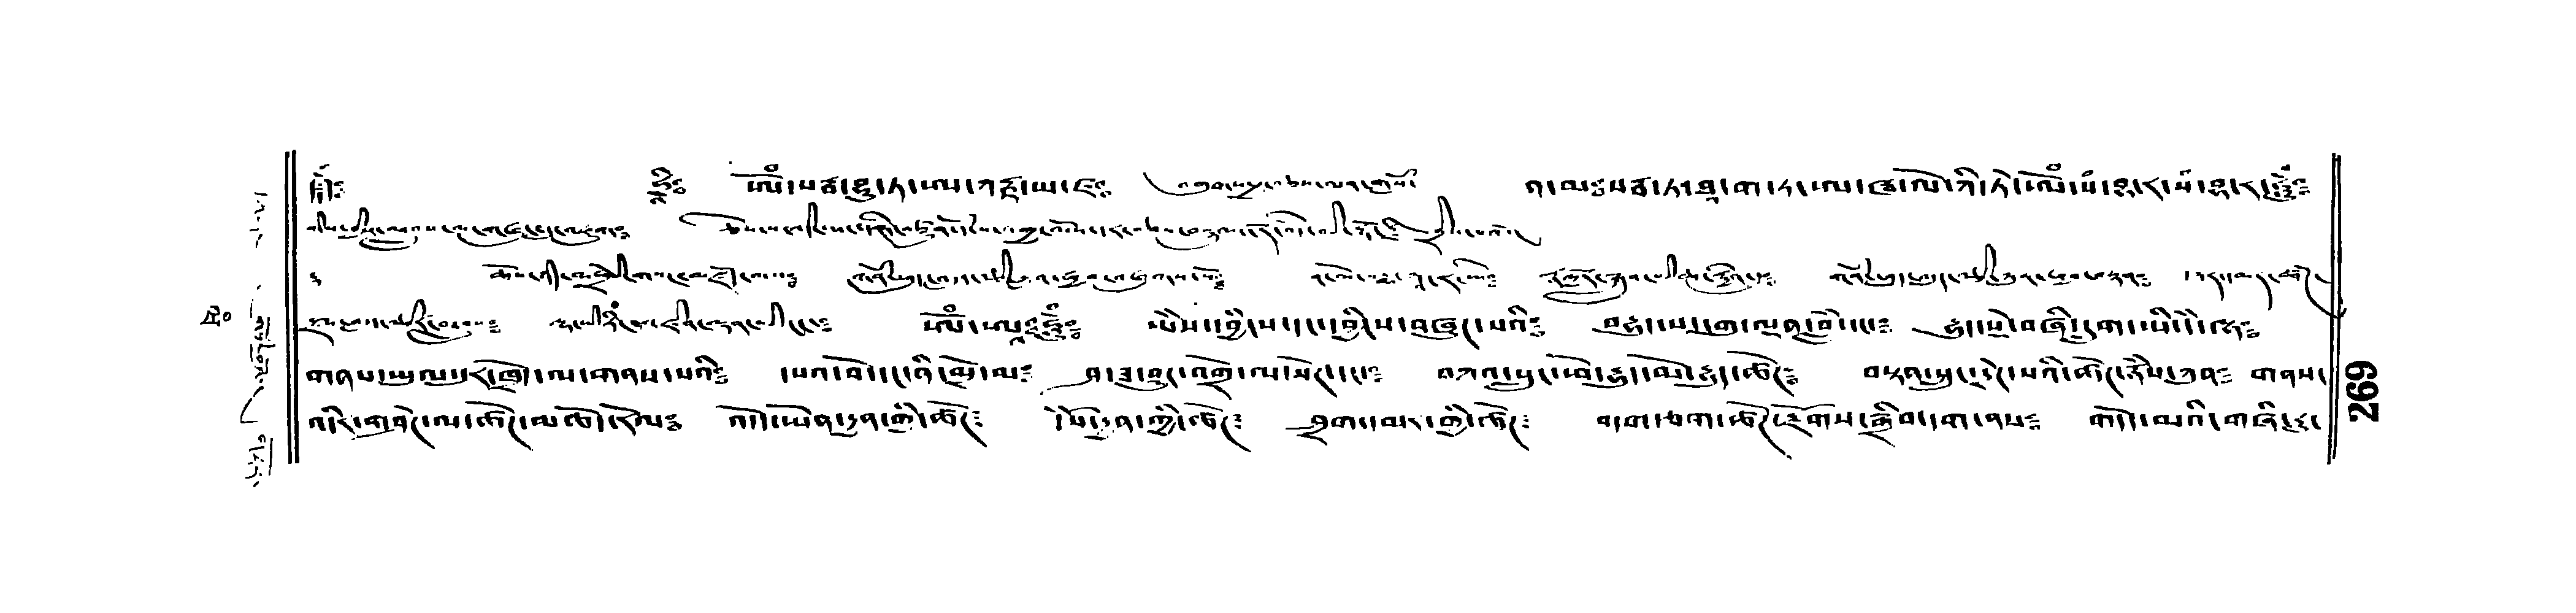ཧྲཱིཿ ཨོཾ་སརྦ་བྷུ་ཏ་ཨ་ཀརྵ་ཡ་ཛཿ འགུགས་རྒྱ་བཅས་ལན་གསུམ༔ ན་མཿསརྦ་ཏ་ཐཱ་ག་ཏ་ཨ་ཝ་ལོ་ཀི་ཏེ་ཨོཾ་སཾ་བྷ་ར་སཾ་བྷ་ར་ཧཱུྃ༔ 
གིས་བྱིན་བརླབས་ལ་གཞུང་དུ་འཇུག༔ ཅེས་པ་འདི་ཡང་དགེ་བཙུན་དམ་པ་འགྱ་ལོས་དར་བཅས་བསྐུལ་ངོར་བདེ་བའི་རྡོ་རྗེས་བྲིས་པའོ།། 
༈ ཆོས་ཉིད་མཁའ་འགྲོའི་གསང་མཛོད་ལས༔ གནམ་ཕུད་བདུད་རྩི་ཀུན་ཁྱབ་བཞུགས་སོ༔ ན་མོ་པདྨ་ཀཱ་ར་ཡེ༔ རྣལ་འབྱོར་སྒྲུབ་པའི་ཆ་རྐྱེན་དུ༔ གནམ་ཕུད་བདུད་རྩི་ཀུན་ཁྱབ་བསྟན༔ དཀར་དམར་ཚོགས་
རྫས་བདུད་རྩིར་བརླབས༔ ལྷ་ཡི་ཏིང་འཛིན་ལྡན་པའི་ངང༔ ཨོཾ་ཨཱཿཧཱུྃ༔ ཡེ་ཤེས་དབྱིངས་དང་དབྱིངས་བཞུགས་པའི༔ བརྒྱུད་པ་དགུ་ལྡན་བླ་མ་དང༔ རྒྱུད་སྡེ་བཞི་དྲུག་ཡི་དམ་ལྷ༔ 
གནས་ཡུལ་དུར་ཁྲོད་ལ་གནས་པའི༔ དཔའ་བོ་དང་ནི་མཁའ་འགྲོ་མ༔ ཤ་ཟ་ཤུགས་འགྲོ་ལ་སོགས་དང༔ བཀའ་སྲུང་ཕོ་རྒྱུད་མོ་རྒྱུད་ཚོགས༔ བསྟན་སྲུང་དྲེགས་པའི་ཚོགས་རྣམས་ཀུན༔ གནས་
འདིར་གཤེགས་ལ་ཚོགས་མཆོད་རོལ༔ འདོད་ཡོན་རྒྱན་གྱི་ཚོགས༴ དམ་རྫས་རྒྱན་གྱི་ཚོགས༴ ཤ་ཁྲག་དམར་གྱི་ཚོགས༴ བདག་ཅག་ཚོགས་རྫོགས་སྒྲིབ་དག་ནས༔ གདོད་མའི་གཞི་རུ་